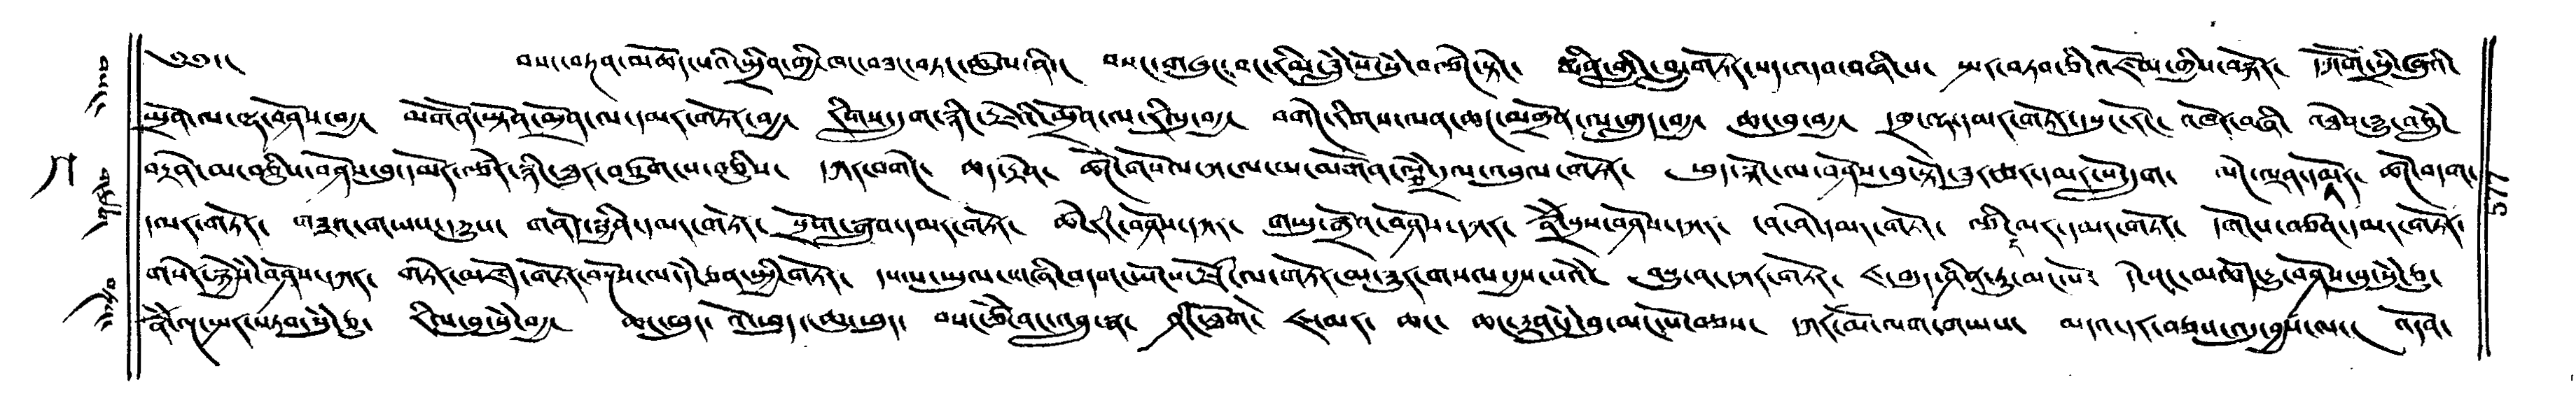བསང་བརྔན་མཆོད་པའི་སྤྱན་འདྲེན་གྱི་ཁང་བཟང་གཏོར་ཚུལ་ནི། བསང་གཞུང་བང་རིམ་ཟླུམ་པོ་སུམ་བརྩེགས་སྟེང་། སྨིན་གླིང་བླ་གཏོར་པད་འདབ་བཞི་པ། སྤར་བཏབ་ཅི་འཛོམས་ཀྱིས་བསྐོར། དཀོན་མཆོག་སྲི་ཞུའི་
མགྲོན་ལ་ལྷ་བཤོས་བརྒྱ། མགོན་པོ་ཡོན་ཏན་མགྲོན་ལ་དམར་གཏོར་བརྒྱ། རིགས་དྲུག་སྙིང་རྗེའི་མགྲོན་ལ་རིལ་བུ་བརྒྱ། བགེགས་རིགས་ལན་ཆགས་མགྲོན་ལ་གླུད་གཏོར་བརྒྱ། ཆང་བུ་བརྒྱ། དགྲ་ལྷ་དམར་གཏོར་དཔུང་རོང་། འཁོར་བཞི། མཐེབ་སྐྱུ་བཅུ་གསུམ་
བརྟན་མ་བཅུ་གཉིས་བཤོས་བུ་དམར་པོའི་རྩེར་སྙིང་ཐུར་བཙུགས་པ་བཅུ་གཉིས། དཀར་བགེགས། ཆད་བརྟན། ཚོགས། གསོལ་ཀ་ལ་མ་མགོན་ལྕམ་དྲལ་འབུལ་གཏོར། ཕུད་སྐོང་ལ་བཤོས་བུ་སྟོད་ཟུར་ཅན་དམར་པོ་དྲུག ལེགས་ལྡན་དམར་གཏོར། ཚོགས་བདག་
དམར་གཏོར། གཟའ་གཡས་གཅུས། གནོད་སྦྱིན་དམར་གཏོར། སྲོག་སྒྲུབ་དམར་གཏོར། ཚེ་རིང་བཤོས་དཀར། གཡུ་སྒྲོན་བཤོས་དཀར། རྣམ་སྲས་བཤོས་དཀར། ངན་ནེ་དམར་གཏོར། ཙེ་དམར་དམར་གཏོར། དགོངས་བཙན་དམར་གཏོར། 
གསེར་སྐྱེམས་བཤོས་དཀར། གཏེར་མཛོད་གཏོར་བསྔོས་ལ་དམ་ཅན་སྤྱི་གཏོར། དཔལ་ཡུལ་གཞི་བདག་ཡོངས་རྫོགས་ལ་གཏོར་མ་ཟུར་གསལ་རྒྱས་པའམ། བསྡུ་ན་དཀར་གཏོར། ཇ་བདུད་ཤིན་ཏུ་མང་པོ། དེ་ནང་མཆོད་རྒྱུ་བཤོས་བུ་སུམ་ཅུ།
རྣམ་ལྔ་སྤར་བཏབ་སུམ་ཅུ། རིལ་བུ་སུམ་བརྒྱ། ཆང་ཕུད། འོ་ཕུད་ཆུ་ཕུད། བསང་རྩམ་ནང་འབྲུ་སྣ། ཤིང་ཐོག ཇ་མར། ཆང་། ཆང་ཟན་དུམ་བུ་མང་པོ་བཅས། དཀར་མོ་ལག་གཡས། མདའ་དར་བཅས་འདུ་བྱས་ལ། འདོན་